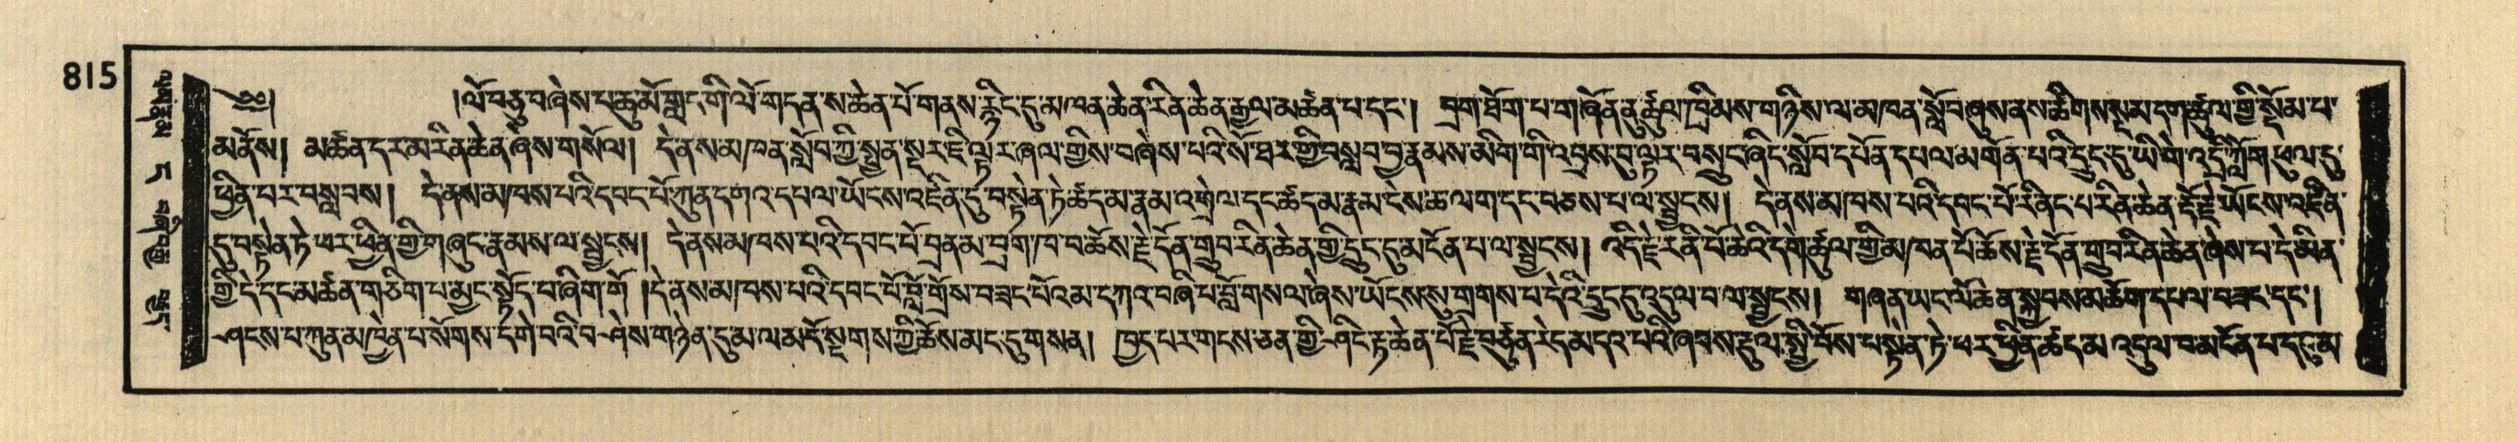༄༅། །ལོ་བཅུ་བཞེས་པ་ཆུ་མོ་གླང་གི་ལོ་གདན་ས་ཆེན་པོ་གནས་རྙིང་དུ་མཁན་ཆེན་རིན་ཆེན་རྒྱལ་མཚན་པ་དང་། བྲག་ཐོག་པ་གཞོན་ནུ་ཚུལ་ཁྲིམས་གཉིས་ལ་མཁན་སློབ་ཞུས་ནས་ཚིགས་སྔམ་དག་ཚུལ་གྱི་སྡོམ་པ་
མནོས། མཚན་དར་མ་རིན་ཆེན་ཞེས་གསོལ། དེ་ནས་མཁན་སློབ་ཀྱི་སྤྱན་སྔར་ཇི་ལྟར་ཞལ་གྱིས་བཞེས་པའི་སོ་ཐར་གྱི་བསླབ་བྱ་རྣམས་མིག་གི་འབྲས་བུ་ལྟར་བསྲུང་ཞིང་སློབ་དཔོན་དཔལ་མགོན་པའི་དྲུང་དུ་ཡི་གེ་འདྲི་ཀློག་ཕུལ་དུ་
ཕྱིན་པར་བསླབས། དེ་ནས་མཁས་པའི་དབང་པོ་ཀུན་དགའ་དཔལ་ཡོངས་འཛིན་དུ་བསྟེན་ཏེ་ཚད་མ་རྣམ་འགྲེལ་དང་ཚད་མ་རྣམ་ངེས་ཆ་ལག་དང་བཅས་པ་ལ་སྦྱངས། དེ་ནས་མཁས་པའི་དབང་པོ་རི་ནང་པ་རིན་ཆེན་རྡོ་རྗེ་ཡོངས་འཛིན་
དུ་བསྟེན་ཏེ་ཕར་ཕྱིན་གྱི་གཞུང་རྣམས་ལ་སྦྱངས། དེ་ནས་མཁས་པའི་དབང་པོ་བྲན་མ་བྲག་ཁ་བ་ཆོས་རྗེ་དོན་གྲུབ་རིན་ཆེན་གྱི་དྲུང་དུ་མངོན་པ་ལ་སྦྱངས། འདི་རྗེ་རིན་པོ་ཆེའི་དགེ་ཚུལ་གྱི་མཁན་པོ་ཆོས་རྗེ་དོན་གྲུབ་རིན་ཆེན་ཞེས་པ་དེ་མིན་
གྱི་དེ་དང་མཚན་གཅིག་པ་མྱང་སྟོད་པ་ཞིག་གོ །དེ་ནས་མཁས་པའི་དབང་པོ་བློ་གྲོས་བཟང་པོའམ་དཀའ་བཞི་པ་བློ་གསལ་ཞེས་ཡོངས་སུ་གྲགས་པ་དེའི་དྲུང་དུ་འདུལ་བ་ལ་སྦྱངས། གཞན་ཡང་ལོ་ཆེན་སྐྱབས་མཆོག་དཔལ་བཟང་དང་།
ཤངས་པ་ཀུན་མཁྱེན་པ་སོགས་དགེ་བའི་བཤེས་གཉེན་དུ་མ་ལ་མདོ་སྔགས་ཀྱི་ཆོས་མང་དུ་གསན། ཁྱད་པར་གངས་ཅན་གྱི་ཤིང་རྟ་ཆེན་པོ་རྗེ་བཙུན་རེད་མདའ་པའི་ཞབས་རྡུལ་སྤྱི་བོས་བསྟེན་ཏེ་ཕར་ཕྱིན་ཚད་མ་འདུལ་བ་མངོན་པ་དབུ་མ་